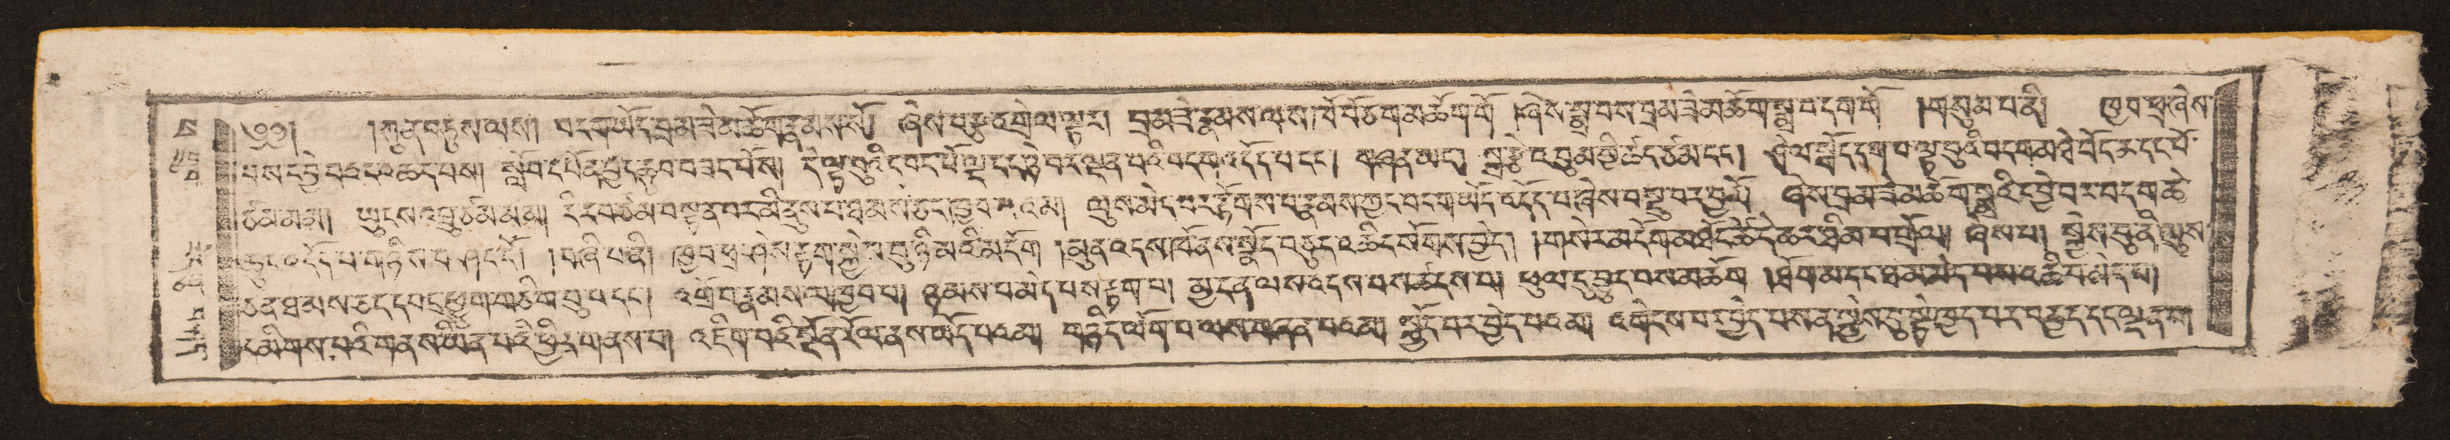༄༅། །ཀུན་བཏུས་ལས། བདག་ཡོད་བྲམ་ཟེ་མཆོག་རྣམས་སོ། ཞེས་བརྩ་འགྲེལ་ལྟར། བྲམ་ཟེ་རྣམས་ལས་ཁོ་བོ་ཅག་མཆོག་གོ །ཞེས་སྨྲ་བས་བྲམ་ཟེ་མཆོག་སྨྲ་བདག་གོ །གསུམ་པ་ནི། ཁྱབ་པྲ་ཞེས་
བསད་བྱེ་བའང་འཆད་པས། སློབ་དཔོན་བྱང་ཆུབ་བཟང་པོས། དེ་ལྟ་བུའི་དབང་པོ་ལྔ་དང་ཉེ་པར་ལྡན་པའི་བདག་འདོད་པ་དང་། གཞན་ཡང་། སྐྲ་རྩེ་འབུམ་གྱི་ཚད་ཙམ་དང་། ཤེལ་སྒོང་དག་པ་ལྟ་བུའི་བདག་མཐེ་བོང་ཆ་དང་པོ་
ཙམ་མམ། ཡུངས་འབྲུ་ཙམ་མམ། རི་རབ་ཙམ་བསྟན་པར་མི་ནུས་པ་ཐམས་ཅད་ཁྱབ་པའམ། ལུས་མེད་པར་རྟོགས་པ་རྣམས་ཀྱང་བདག་ཡོད་འདོད་པ་ཞེས་བསྡུ་པར་བྱའོ། ཞེས་བྲམ་ཟེ་མཆོག་སྨྲའི་དབྱེ་བར་བདག་ཆེ་
ཆུང་འདོད་པ་གཉིས་བཤད་དོ། །བཞི་པ་ནི། ཁྱབ་ཕྲ་ཤེས་རྟག་སྐྱེས་བུ་ཉི་མའི་མདོག །མུན་འདས་ཁོ་ནས་སྣོད་བཅུད་འཆིང་སོགས་བྱེད། །གསེར་མདོག་མཐོང་ཚེ་དེ་ཆར་ཐིམ་པ་གྲོལ། ཞེས་པ། སྐྱེས་བུ་ནི་ལུས་
ཅན་ཐམས་ཅད་དབང་ཕྱུག་གཅིག་བུ་པ་དང་། འགྲོ་བ་རྣམས་ལ་ཁྱབ་པ། ཉམས་པ་མེད་པས་རྟག་པ། མྱ་ངན་ལས་འདས་པས་ཚངས་པ། ཕུལ་དུ་བྱུང་བ་མ་མཆོག །ཐོག་མ་དང་ཐ་མ་མེད་པས་འཆི་བ་མེད་པ།
དམིགས་པའི་གནས་ཡིན་པའི་ཕྱིར་གནས་པ། འཇིག་པའི་སྔོན་རོལ་ནས་ཡོད་པའམ། གཉིད་ལོག་པ་ལས་གཞན་པའམ། སྐྱོད་པར་བྱེད་པའམ། འགེངས་པར་བྱེད་པས་ན་སྐྱེས་བུ་སྟེ་ཁྱད་པར་བརྒྱད་དང་ལྡན་པ།